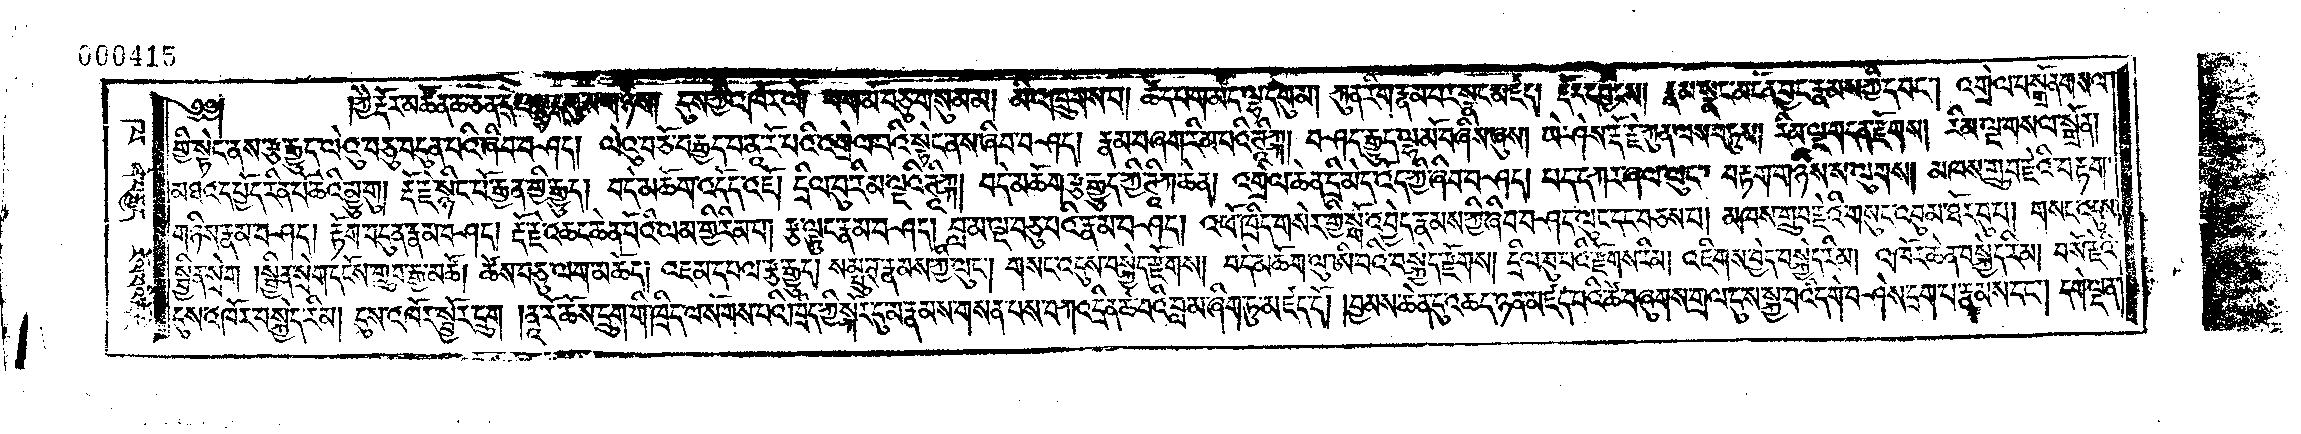༄༅། །ཀྱཻ་རྡོར་མཚོན་ཆ་ཅན་དང་ལྷ་དགུ་མ་གཉིས། དུས་ཀྱི་འཁོར་ལོ། ཕག་མོ་བཅུ་གསུམ་མ། མི་འཁྲུགས་པ། ཚེ་དཔག་མེད་ལྷ་དགུ་མ། ཀུན་རིག་རྣམ་པར་སྣང་མཛད། རྡོར་དབྱིངས། རྣམ་སྣང་མངོན་བྱང་རྣམས་ཀྱི་དབང་། འགྲེལ་བསྒྲོན་གསལ་
གྱི་སྟེང་ནས་རྩ་རྒྱུད་ལེའུ་བཅུ་བདུན་པའི་ཞིབ་བཤད། ལེའུ་བཅོ་བརྒྱད་པ་ནཱ་རོ་པའི་འགྲེལ་བའི་སྟེང་ནས་ཞིབ་བཤད། རྣམ་བཞག་རིམ་པའི་ཊཱིཀྐ། བཤད་རྒྱུད་ལྷ་མོ་བཞིས་ཞུས། ཡེ་ཤེས་རྡོ་རྗེ་ཀུན་ལས་བཏུས། རིམ་ལྔ་གདན་རྫོགས། རིམ་ལྔ་གསལ་སྒྲོན།
མཐའ་དཔྱོད་རིན་པོ་ཆེའི་མྱུ་གུ། རྡོ་རྗེ་སྙིང་པོ་རྒྱན་གྱི་རྒྱུད། བདེ་མཆོག་འདོད་འཇོ། དྲིལ་བུ་རིམ་ལྔའི་ཊཱིཀྐ། བདེ་མཆོག་རྩ་རྒྱུད་ཀྱི་ཊཱིཀྐ་ཆེན། འགྲིལ་ཆེན་དྲི་མེད་འོད་ཀྱི་ཞིབ་བཤད། པད་དཀར་ཞལ་ལུང་། བརྟག་གཉིས་ས་ལུགས། མཁས་གྲུབ་རྗེའི་བརྟག་
གཉིས་རྣམ་བཤད། རྟོག་བདུན་རྣམ་བཤད། རྡོ་རྗེ་འཆང་ཆེན་པོའི་ལམ་གྱི་རིམ་པ། རྩ་ལྟུང་རྣམ་བཤད། བླ་མ་ལྔ་བཅུ་པའི་རྣམ་བཤད། འཕོ་ཁྲིད་གསེར་གྱི་སྒོ་འབྱེད་རྣམས་ཀྱི་ཞིབ་བཤད་ལུང་དང་བཅས་པ། མཁས་གྲུབ་རྗེའི་གསུང་འབུམ་ཐོར་བུ་པ། གསང་འདུས་
སྦྱིན་སྲེག །སྦྱིན་སྲེག་དངོས་གྲུབ་རྒྱ་མཚོ། ཚེས་བཅུ་ལག་མཆོད། འཇམ་དཔལ་རྩ་རྒྱུད། སམྦུ་ཊ་རྣམས་ཀྱི་ལུང་། གསང་འདུས་བསྐྱེད་རྫོགས། བདེ་མཆོག་ལུ་ཨི་བའི་བསྐྱེད་རྫོགས། དྲིལ་བུ་བའི་རྫོགས་རིམ། འཇིགས་བྱེད་བསྐྱེད་རིམ། འཁོར་ཚན་བསྐྱེད་རིམ། བ་སོ་རྗེའི་
དུས་འཁོར་བསྐྱེད་རིམ། དུས་འཁོར་སྦྱོར་དྲུག །ནཱ་རོ་ཆོས་དྲུག་གི་ཁྲིད་ལ་སོགས་པའི་ཁྲིད་ཀྱི་སྐོར་དུ་མ་རྣམས་གསན་པས་བཀའ་དྲིན་ཆེ་བའི་བླ་མ་ཞིག་ཏུ་མཛད་དོ། །བྱམས་ཆེན་དུ་འཆད་ཉན་མཛད་པའི་ཚེ་བཞུགས་གྲལ་དུས་སྐྱ་བའི་དགེ་བཤེས་དྲག་པ་རྣམས་དང་། དགེ་ལྡན་